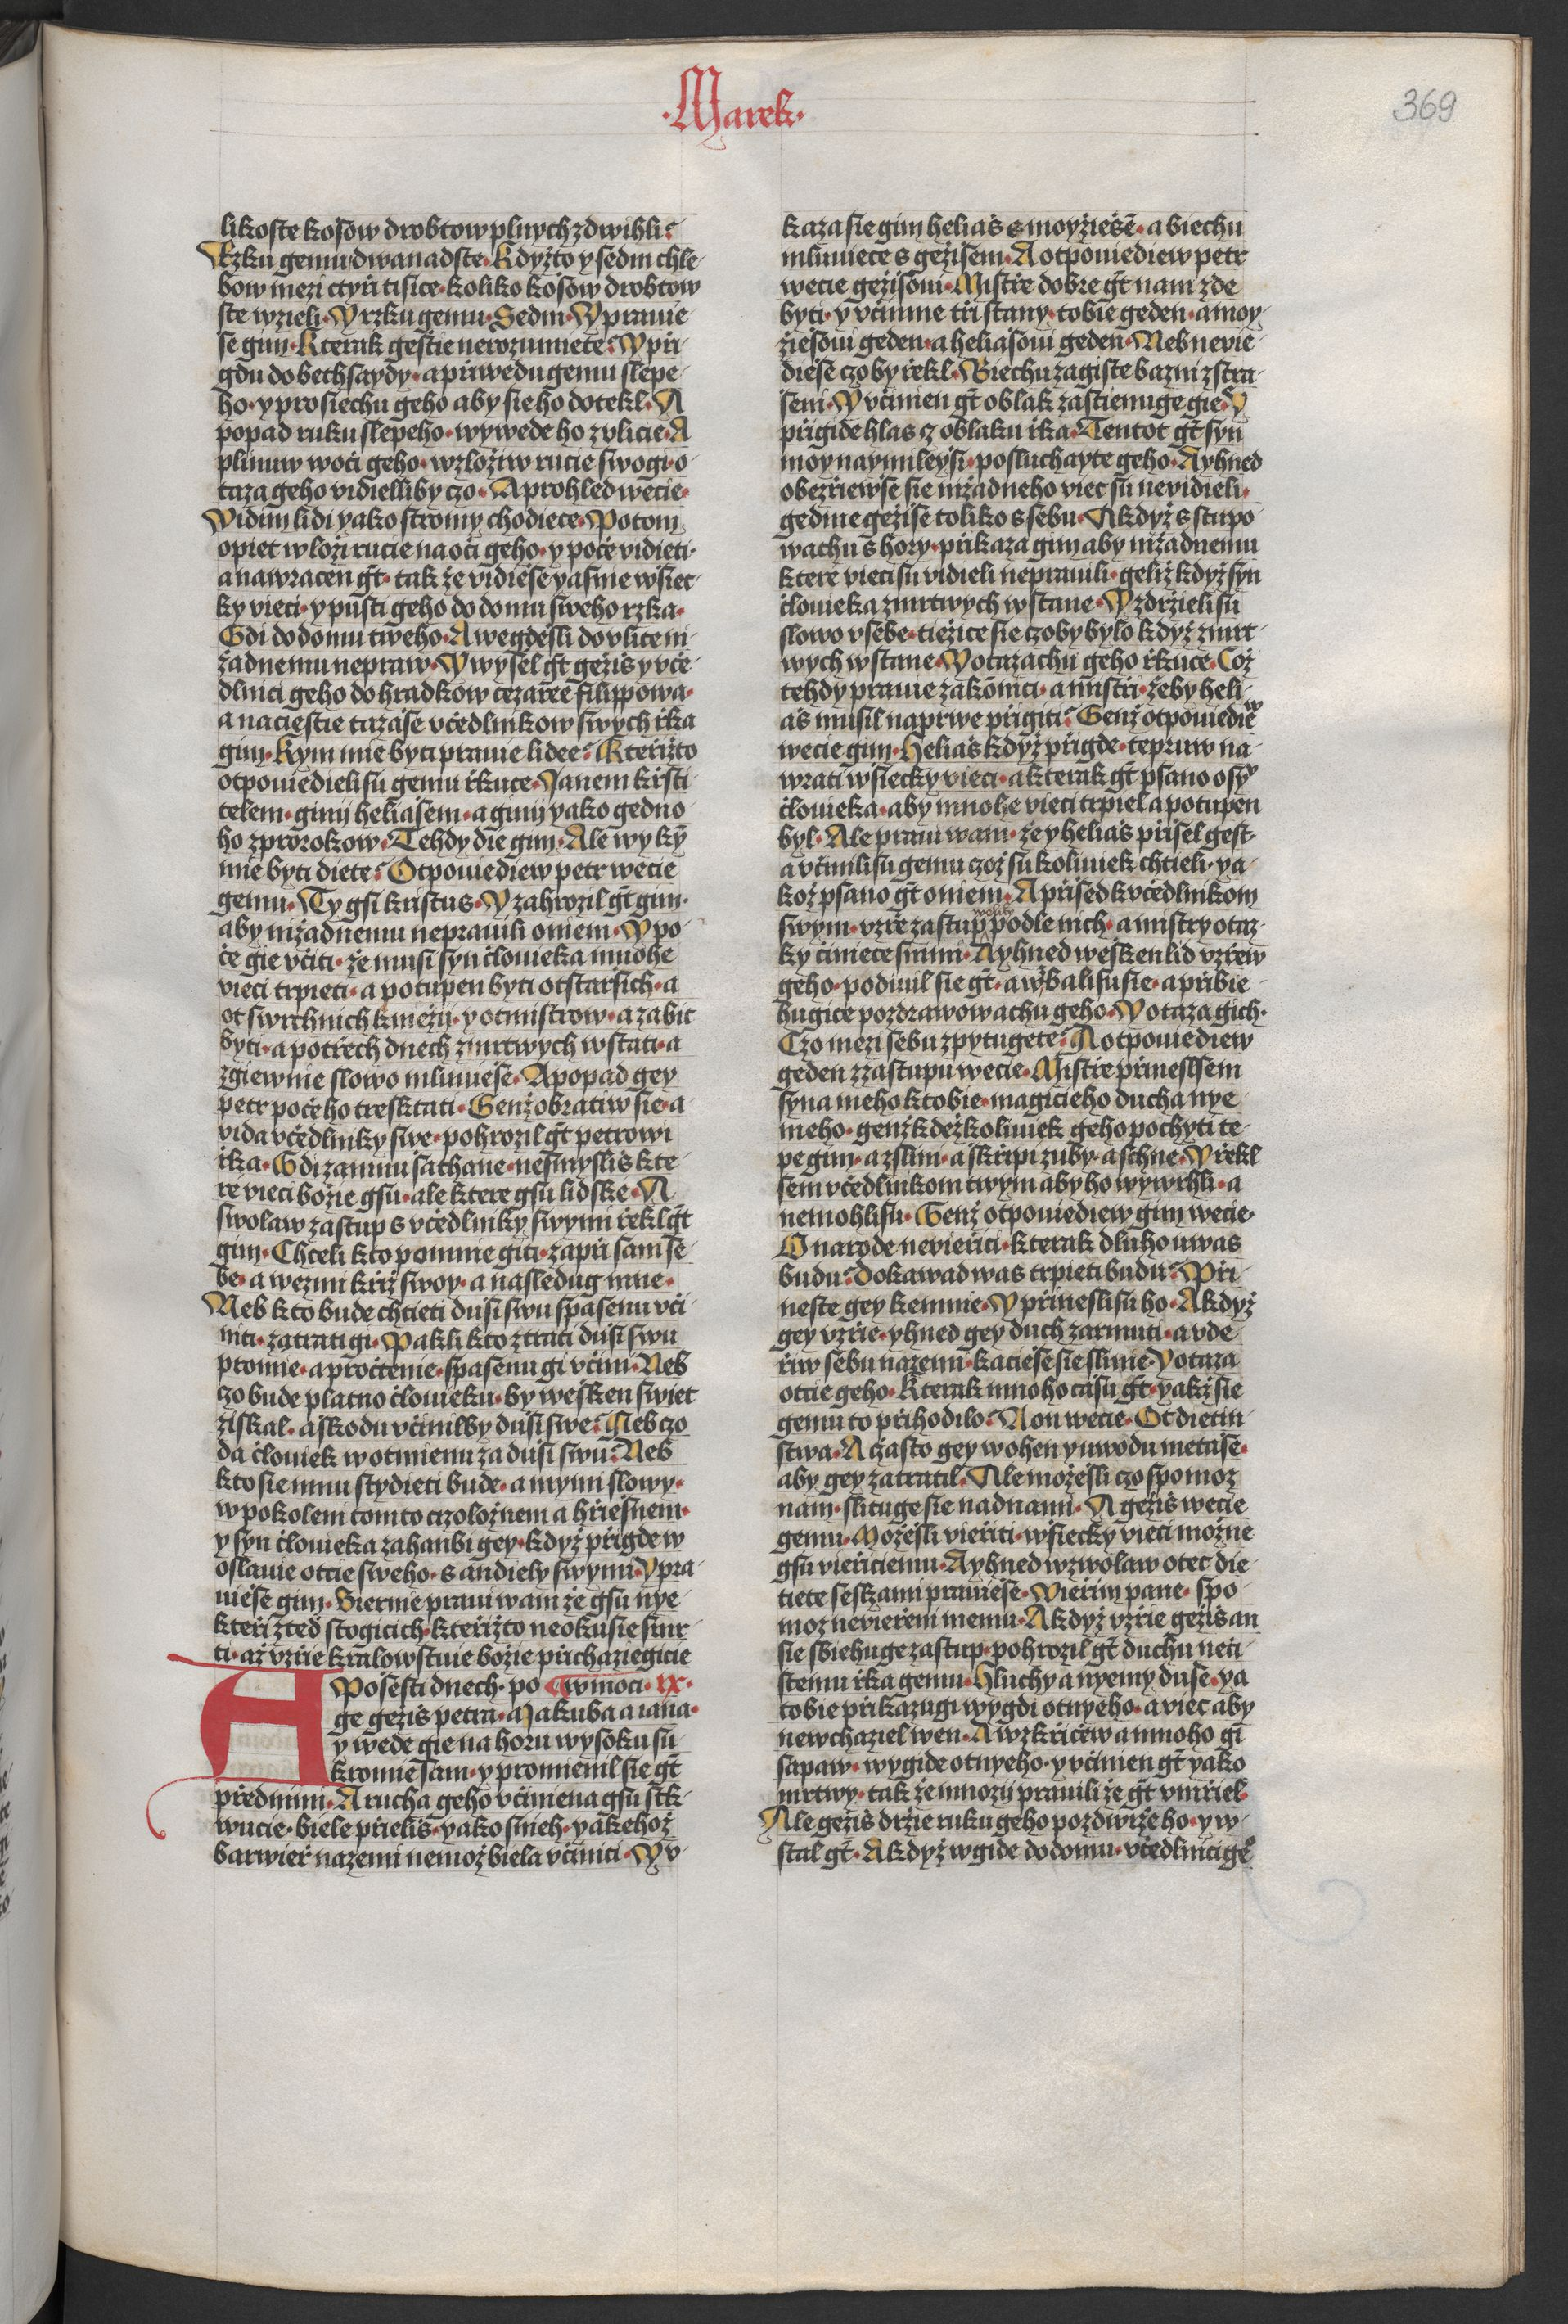likoſte koẛow drobtow plnych zdwihli?
Rzku gemu.dwanadſte.Kdyżto y ſedm chle¬
bow mezí ctyṙi tiſice.koliko koſow drobtow
ſte wzieli.Y rzku gemu Sedm Yprauie¬
ẛe gim.Kterak geẛtie nerozumete?Y pṙi¬
gdu do bethſaydy.a pṙiwedu gemu ſlepe¬
ho.y proſíechu geho aby ſieho dotekl.A
popad ruku ſlepeho.wywede ho zvlicie.A
plinuw woċi geho.wzložiw rucie ſwogi.o¬
taza geho vidielliby czo.A prohled wecie.
Vidrn lidi yako ſtromy chodiece.Potom
opiet wlożi rucie na oċi geho.y poċe vidieti.
a nawracen ḡt.tak że vidíeẛe yaſnie wẛiec¬
ky vieci.y puſti geho do domu ſweho rzka.
Gdi do domu tweho.A wegdeẛli do vlice ni¬
żadnemu nepraw.Y wyẛel ḡt geżíṡ y vċe¬
dlnici geho do hradkow cezáree filippowa.
a nacieſtie tazaẛe vċedlníkow ſwych ṙka
gím.Kym mie byti prauíe lidee?Kteṙíżto
otpouiedieli ſu gemu řkuce.ianem kṙſti¬
telem.ginij heliaẛem.a ginij yako gedno¬
ho zprorokow.Tehdy díe gim.Ale wy kȳ
mie byti díete?Otpouiediew petr wecie
gemu.Ty gſi kriſtus.Y zahrozil ḡt gím.
aby niżadnemu nepraulili oniem.Y po¬
ċe gie vċiti.że muſi ſyn ċlouieka mnohe
vieci trpieti.a potupen byti otſtarẛich.a
ot ſwrchních knieżij.y ot míſtrow.a zabít
byti.a potřech dnech zmrtrych wſtati.a
zgiewnie ſlowo mluuíeẛe.A popad gey
petr poče ho treſktati.Genż obratiw ſe.a
vida včedlniky ſwe.pohrozil ḡt petrowi
ṙka.Gdi za mnu ẛathane.neſmyſliṡ kte¬
ré vieci bożíe gſu.ale které gſu lidſké.A
ſwolaw zaſtup s vċedlniky ſwymi ṙekl ḡt
gím.Chteli kto po mnie gíti. zapṙi ſam ſe¬
be a wezmi kṙiż ſwoy.a naſledug mne.
Neb kto bude chtieti duẛi ſwu ſpaſenu vċi¬
niti zatrati gi. Pakli kto ztratí duẛi ſwu
promie.a proċteníe.ſpaſenu gi vċiní.Neb
czo bude platno ċlouieku.by weẛken ſwiet
ziſkal.aẛkodu vċinilby duẛi ſwe? Neb czo
da ċlouiek w otmienu za duẛi ſwu?Neb
kto ſiemnu ſtydieti bude.a mymi ſlowy.
wpokolem tomto cizolożnem a hṙíeẛnem.
y ſyn ċlouieka zahanbí gey.kdyż pṙigde w¬
oſlaie otcie ſweho.s andiely ſwymi.Y pra¬
uíeẛe gím.Viernie praui wam że gſu nye¬
kteṙí zteḋ ſtogicich.kteṙíżto neokuſie ſmr¬
ti aż uzṙíe kralowſtuíe bożíe pṙichaziegícíe
Poẛeſti dnech.po wmoci.ix.
ge geżiṡ petra.a Iakuba a iana.
y wede gie na horu wyſoku ſu
kromie ſam.y promienil ſe ḡt
pṙednimi A rucha geho vċiníena gſu ſtk¬
wucíe.bíele pṙieliš.yako ſníeh.yakehoż
barwíeṙ nazemí nemoż biela vċiniti.Y v¬
kaza ſíe gím heliaš a moyżieẛē.a bíechu
mluuíece s geżíẛem.A otpouiediew petr
wecie gežíẛoui.Miſtṙe dobre ḡt nam zde
byti.y vċinme tṙi ſtany.tobie geden.a moy¬
žíeẛoui geden.a heliaẛoui geden.Neb nevíe¬
díeẛe czo by ṙekl.Bíechu zagiſte bazní zſtra¬
ẛení.Y vċinieti ḡt oblak zaſtienuge gie.Y
pṙigide hlas z oblaku ṙka.Tentot ḡt ſyn
moy naýmileyẛi.poſluchayte geho.Ayhned
obezṙíewẛe ſie niżadneho víec ſu nevidieli.
gedinie geżíẛe toliko sſebu. Akdyż sſtupo¬
wachu s hory.pṙikaza gím aby niżadnemu
které vieciſu vidieli neprauli.geliż kdyż ſyn
ċlouieka z mrtrých wſtane.Yzdrżieli ſu
ſlowo vſebe.tieżíce ſíe czoby bylo kdyż zmrt¬
wych wſtane.Y otazachu geho ṙkuce. Což¬
tehdy prauie zakōnici a miſtṙi.žeby heli¬
aṡ muſil naprwe pṙigiti? Genž otpouidiew
wecie gim.Heliaṡ kdyż pṙigde.tepruw na¬
wrati wẛiecky vieci.a kterak ḡt pſano o ſyv
ċlouieka.aby mnohe viecí trpiel a potupen
byl. Ale praui wam.że y heliaṡ pṙiẛel geſt
a včiniliſu gemu czoż ſu koliuek chtieli.ya¬
koż pſano ḡt oniem. A pṙiẛed kvċedlníkom
ſwym.vzṙe zaſtup weliky podle nich.a miſtry otaz¬
ky ċiniece ſnimi. Ayhned weẛken lid vzṙew
geho.podiul ſie ḡt.a wzbali ſu ſie.a pṙibie¬
hugíce pozdrawodachu geho.Y otaza gich.
Czo mezi ſebu zpytugete?A otpouiediew
geden zzaſtupu wecie.Miſtṙe pṙineſlſem
ſyna meho ktobie.magícíeho ducha nye¬
nieho.genž kdeżkoliuek geho pochytí te¬
pe gím.a zſliní.a ẛkṙipí zuby.a ſchne.Yřekl
ſera včedlnikom twym aby ho wywrhli.a
nemohliſu.Genż otpouiediew gim wecie.
O narode nevieṙící.kterak dluho uwas
budu?Dokawad wás trpieti budu? Pṙi¬
neſte gey kemnie.Y pṙineẛliſu ho.A kdyż
gey vzṙie.yhned gey duch zarmuti.a vde¬
ṙiw ſebu na zemi.kacíeẛe ſie ſlinie.Y otaza
otcie geho.Kterak mnoho caẛu ḡt.yakž ſie
gemu to pṙihodilo?A on wecie.Ot dietin¬
ſtwa.A cżaſto gey wohen y wodu metaẛe.
aby gey zatratil. Ale možeẛli czo ſpomoz
nam.ſlituge ſie nad nami.A geżíṡ wecie
gemu.Możeẛli vieṙiti. wẛiecky vieci możne
gſu vieṙícíemu.Ayhned wzwolaw otec díe¬
tiete ſe ſlzami prauíeẛe.Vieṙím pane.ſpo¬
moz nevieṙení memu.Akdyż vzṙie geżíṡ an¬
ſie ſbiehuge zaſtup.pohrozil ḡt dúchu neċi¬
temu ṙka gemu.Hluchy a nyemý duẛe.ya¬
tobie pṙikazugi wygdi ot nyeho.a viec aby
newchazíel wen.A wzkṙiċew a mnoho gī
ſapaw.wygide ot nyeho.y vċinien ḡt yako
mrtwy.tak ve mnozij prauili że ḡt vmřiel
Ale geżiṡ drżie ruku geho pozdwiżeho.y w¬
ſtcal ḡt.Akdyż wgíde do domu.vċiedliníci geo